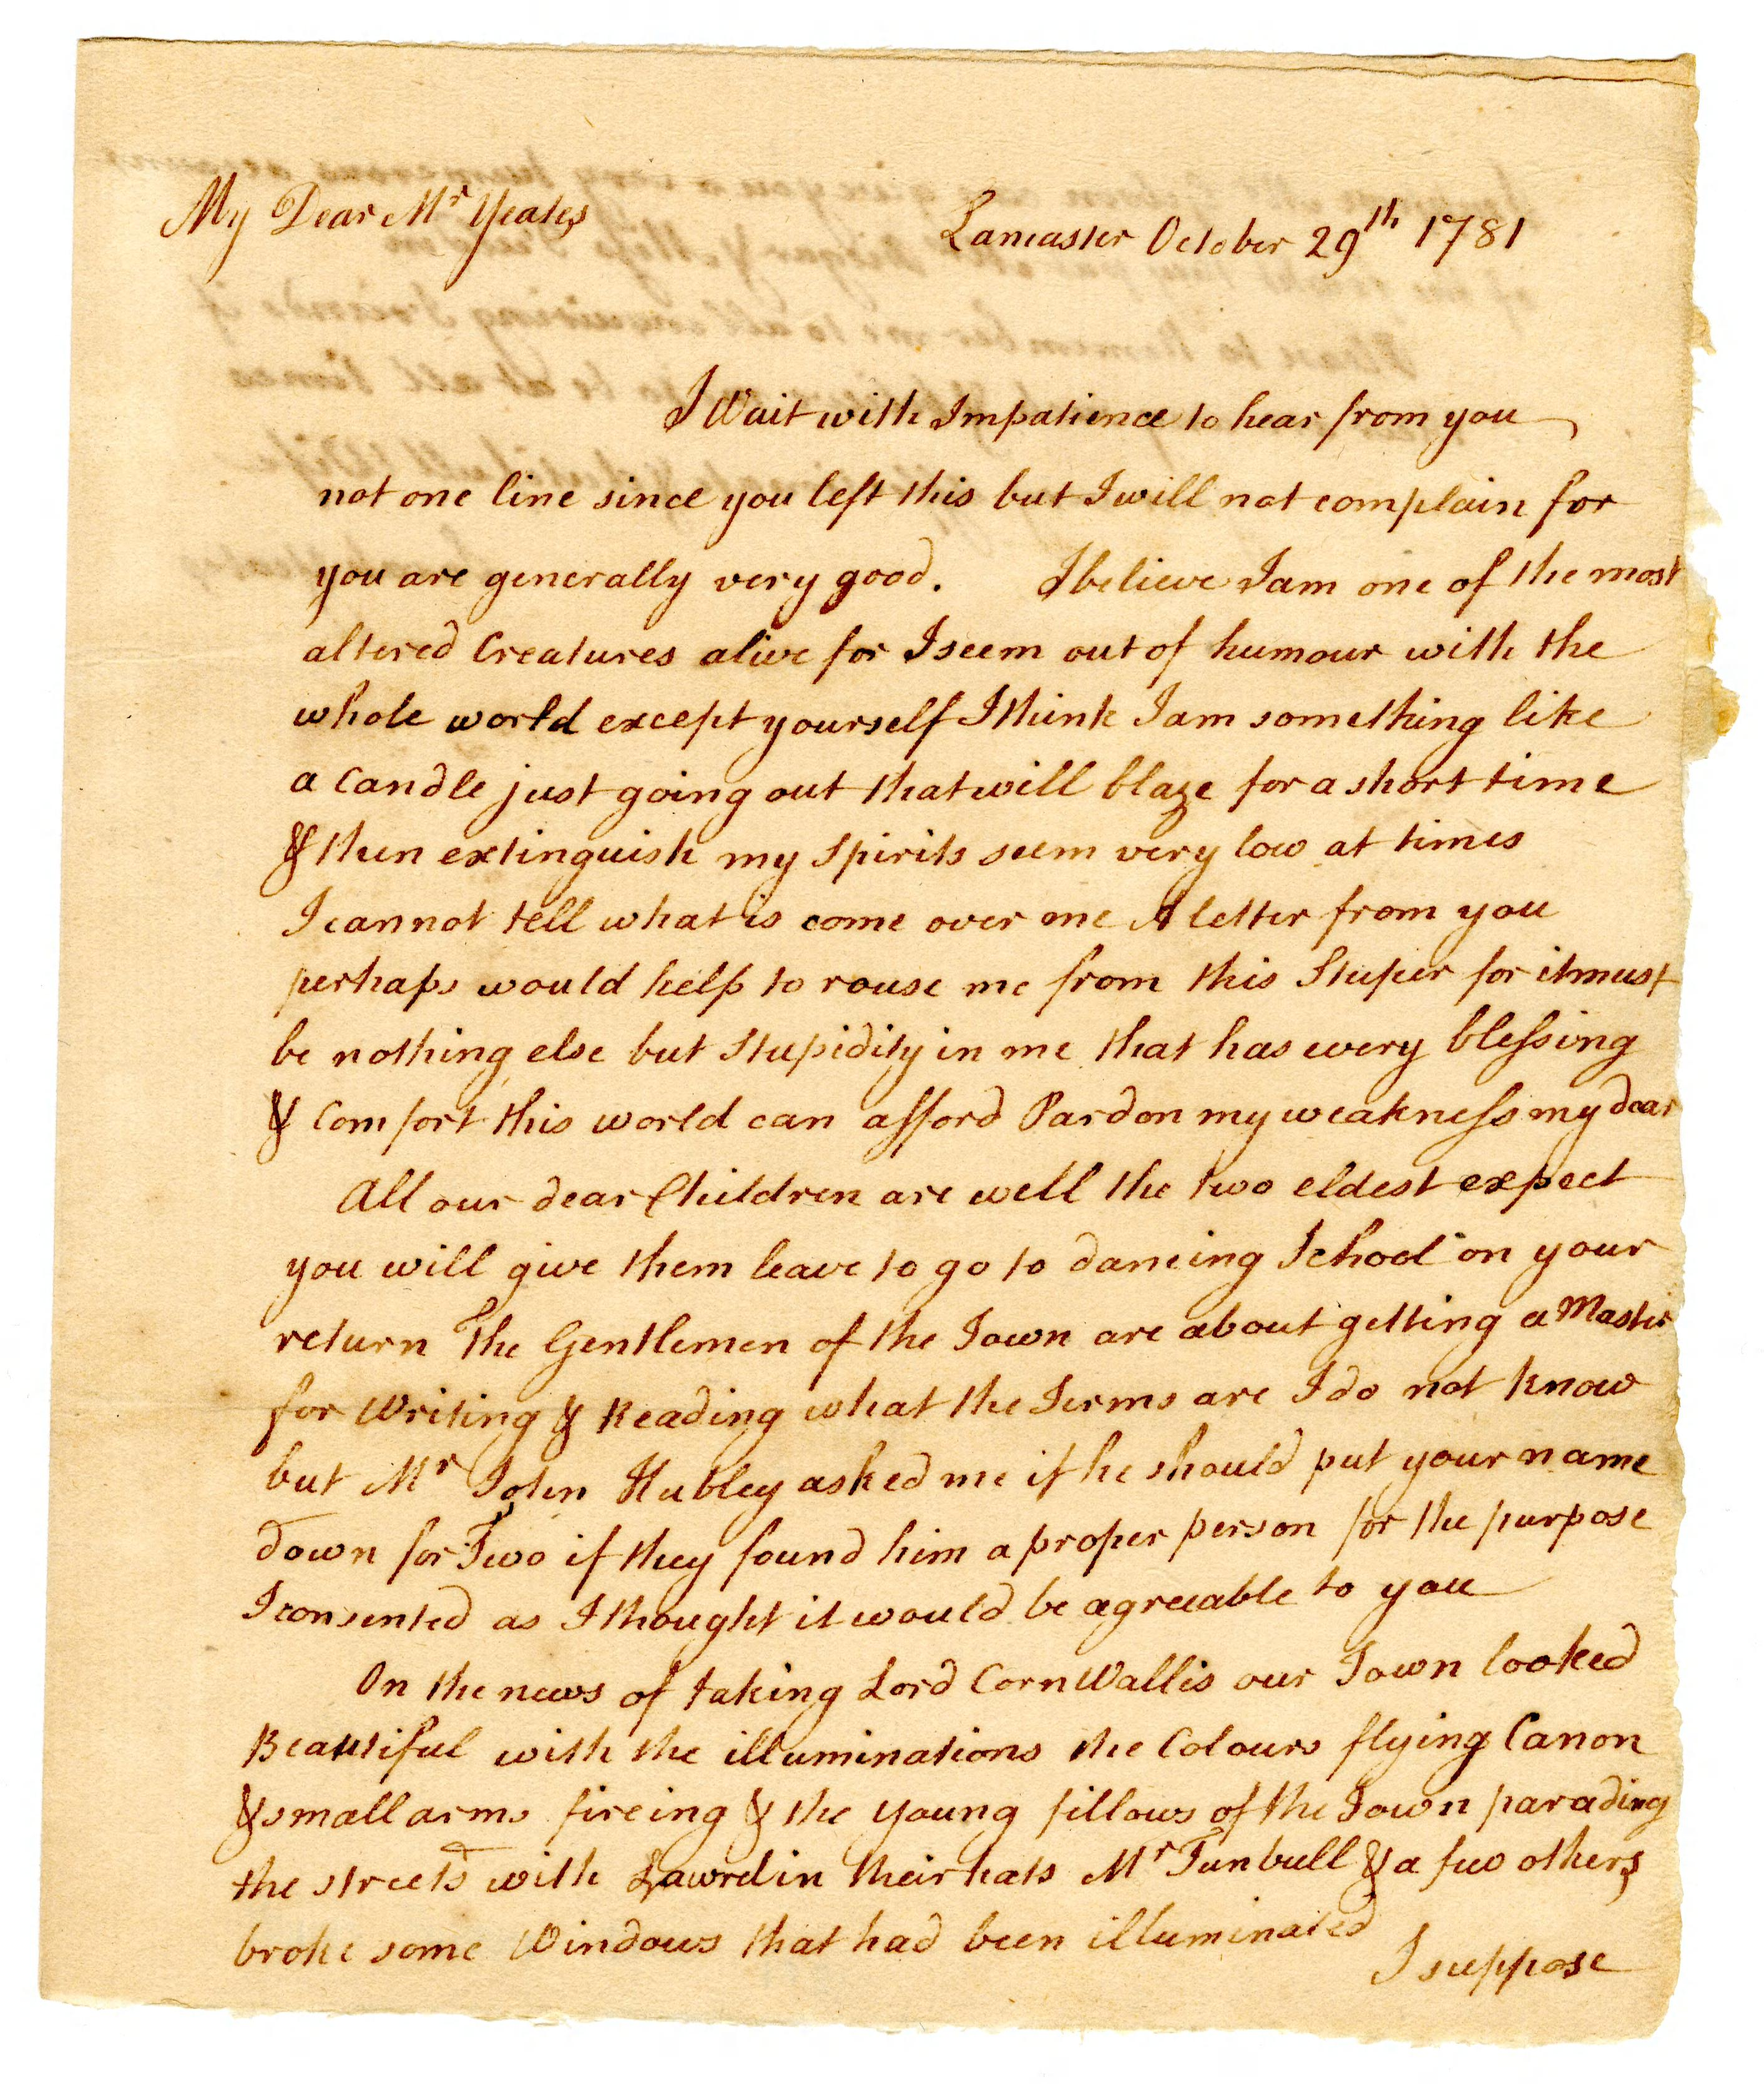Lancaster October 29^th 1781
My Dear M^r Yeates
I Wait with Impatience to hear from you
not one line since you left this but I will not complain for
you are generally very good. I believe I am one of the most
altered creatures alive for I seem out of humour with the
whole world except yourself I think I am something like
a candle just going out that will blaze for a short time
& then extinguish my Spirits seem very low at times
I cannot tell what is come over one A letter from you
perhaps would help to rouse me from this Stuper for it must
be nothing else but stupidity in me that has every blessing
& Comfort this world can afford Pardon my weakness my dear
All our dear Children are well the two eldest expect
you will give them leave to go to dancing School on your
return The Gentlemen of the Town are about getting a Master
for Writing & Reading what the Terms are I do not know
but M^r John Hubley asked me if he should put your name
down for Two if they found him a proper person for the purpose
I consented as I thought it would be agreeable to you
On the news of taking Lord Cornwallis our Town looked
Beautiful with the illuminations the Colours flying Canon
& small arms fireing & the young fellows of the Town parading
the streets with Laurel in their hats M^r Tunbull & a two others
broke some windows that had been illuminated
I suppose